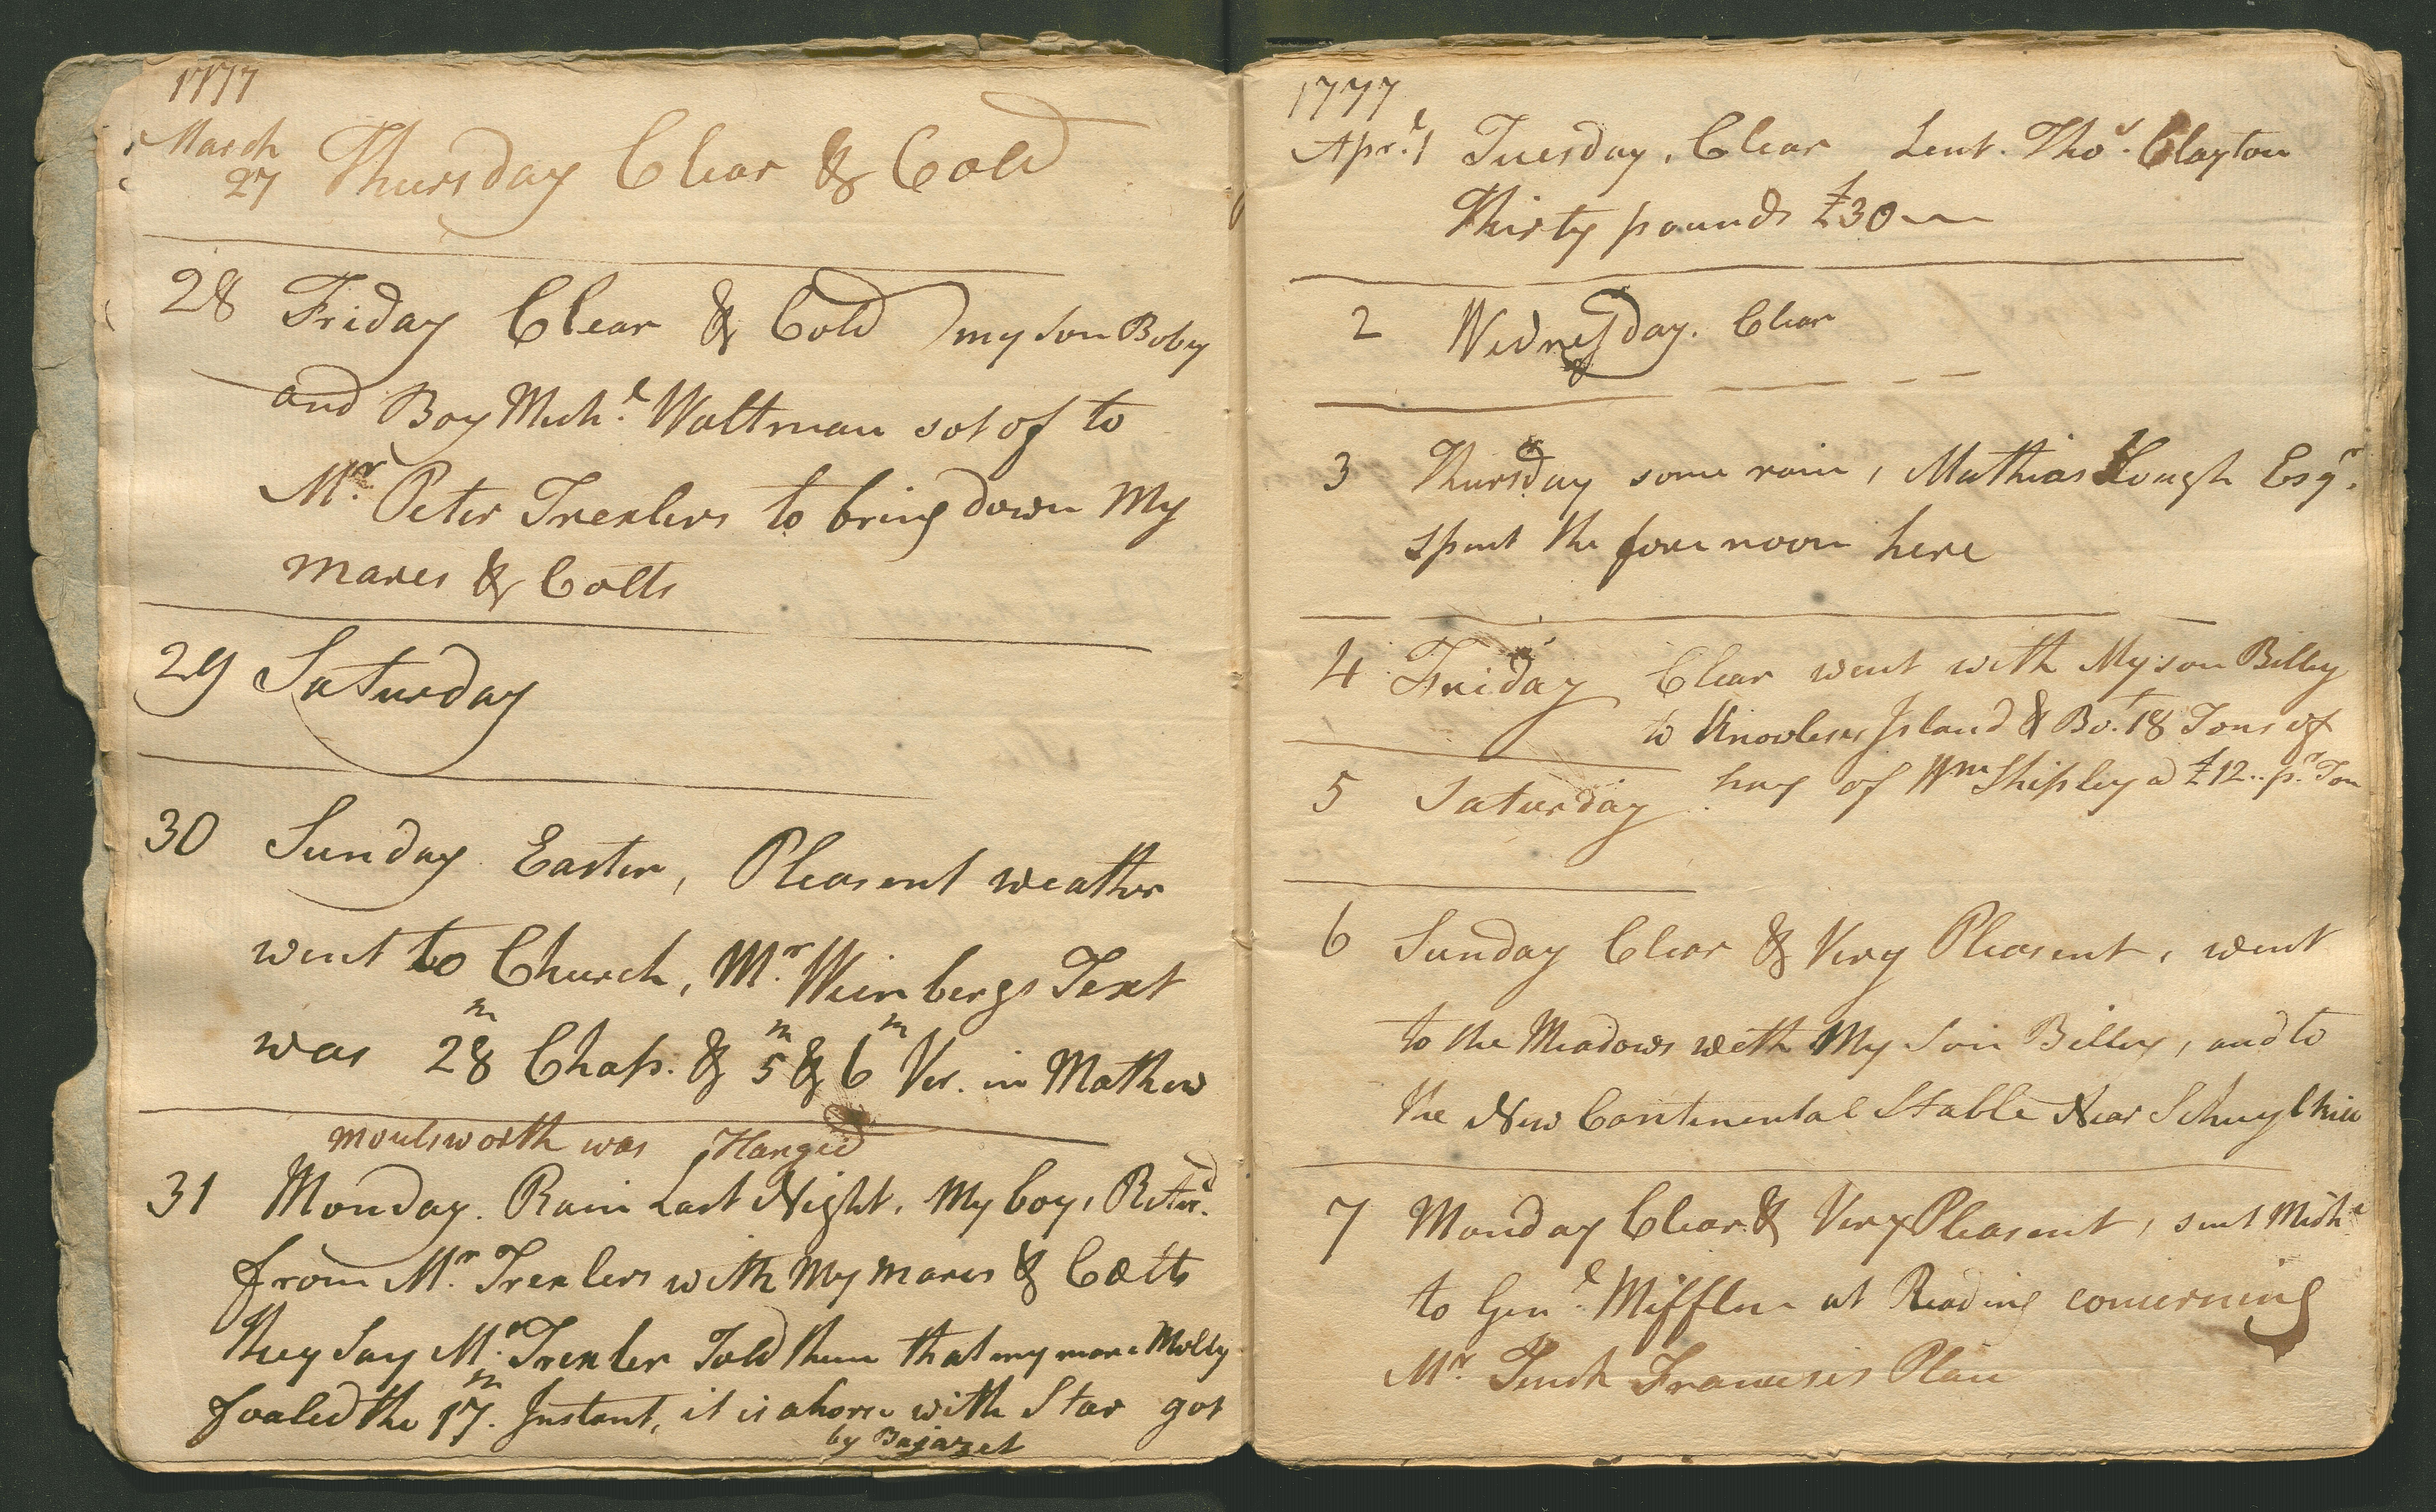1777
March
27 Thursday Clear & Cold
28 Friday Clear & Cold my son Bobey
and Boy Mich^l. Waltman set of to
M^r. Peter Trenlers to bring down My
Mares & Colts
29 Saturday
30 Sunday Easter, Pleasent weather
went to Church, M^r. Weinbergs Text
was 28^th Chap. & 5^th & 6^th Ver. in Mathew
moulsworth was Hanged
31 Monday. Rain Last Night. My boys Retur^d.
from M^r. Trenlers with My mare & Colts
they Say M^r. Trenler Told them that my mare Molly
foaled the 17th. Instant, it is a horse with Star got
by Bajaret
1777
Apr^l. 1 Tuesday. Clear Lent. Tho^s. Clayton
Thirty pounds £30-
2 Wednesday. Clear
3 Thursday some rain, Mathias Lough Esq^r.
spent the forenoon here
4 Friday. Clear went with My son Billey
to Knowleses Island & Bo^t. 18 Tons of
5 Saturday
hay of W^m. Shipley @ £12. p^r. Ton
6 Sunday Clear & Very Pleasent, went
to the Meadows with My Son Billey, and to
the New Continental Stable Near Schuylkill
7 Monday Clear & Very Pleasent, sent Mich^l
to Gen^l. Mifflin at Reading concerning
M^r. Tench Franceses Place